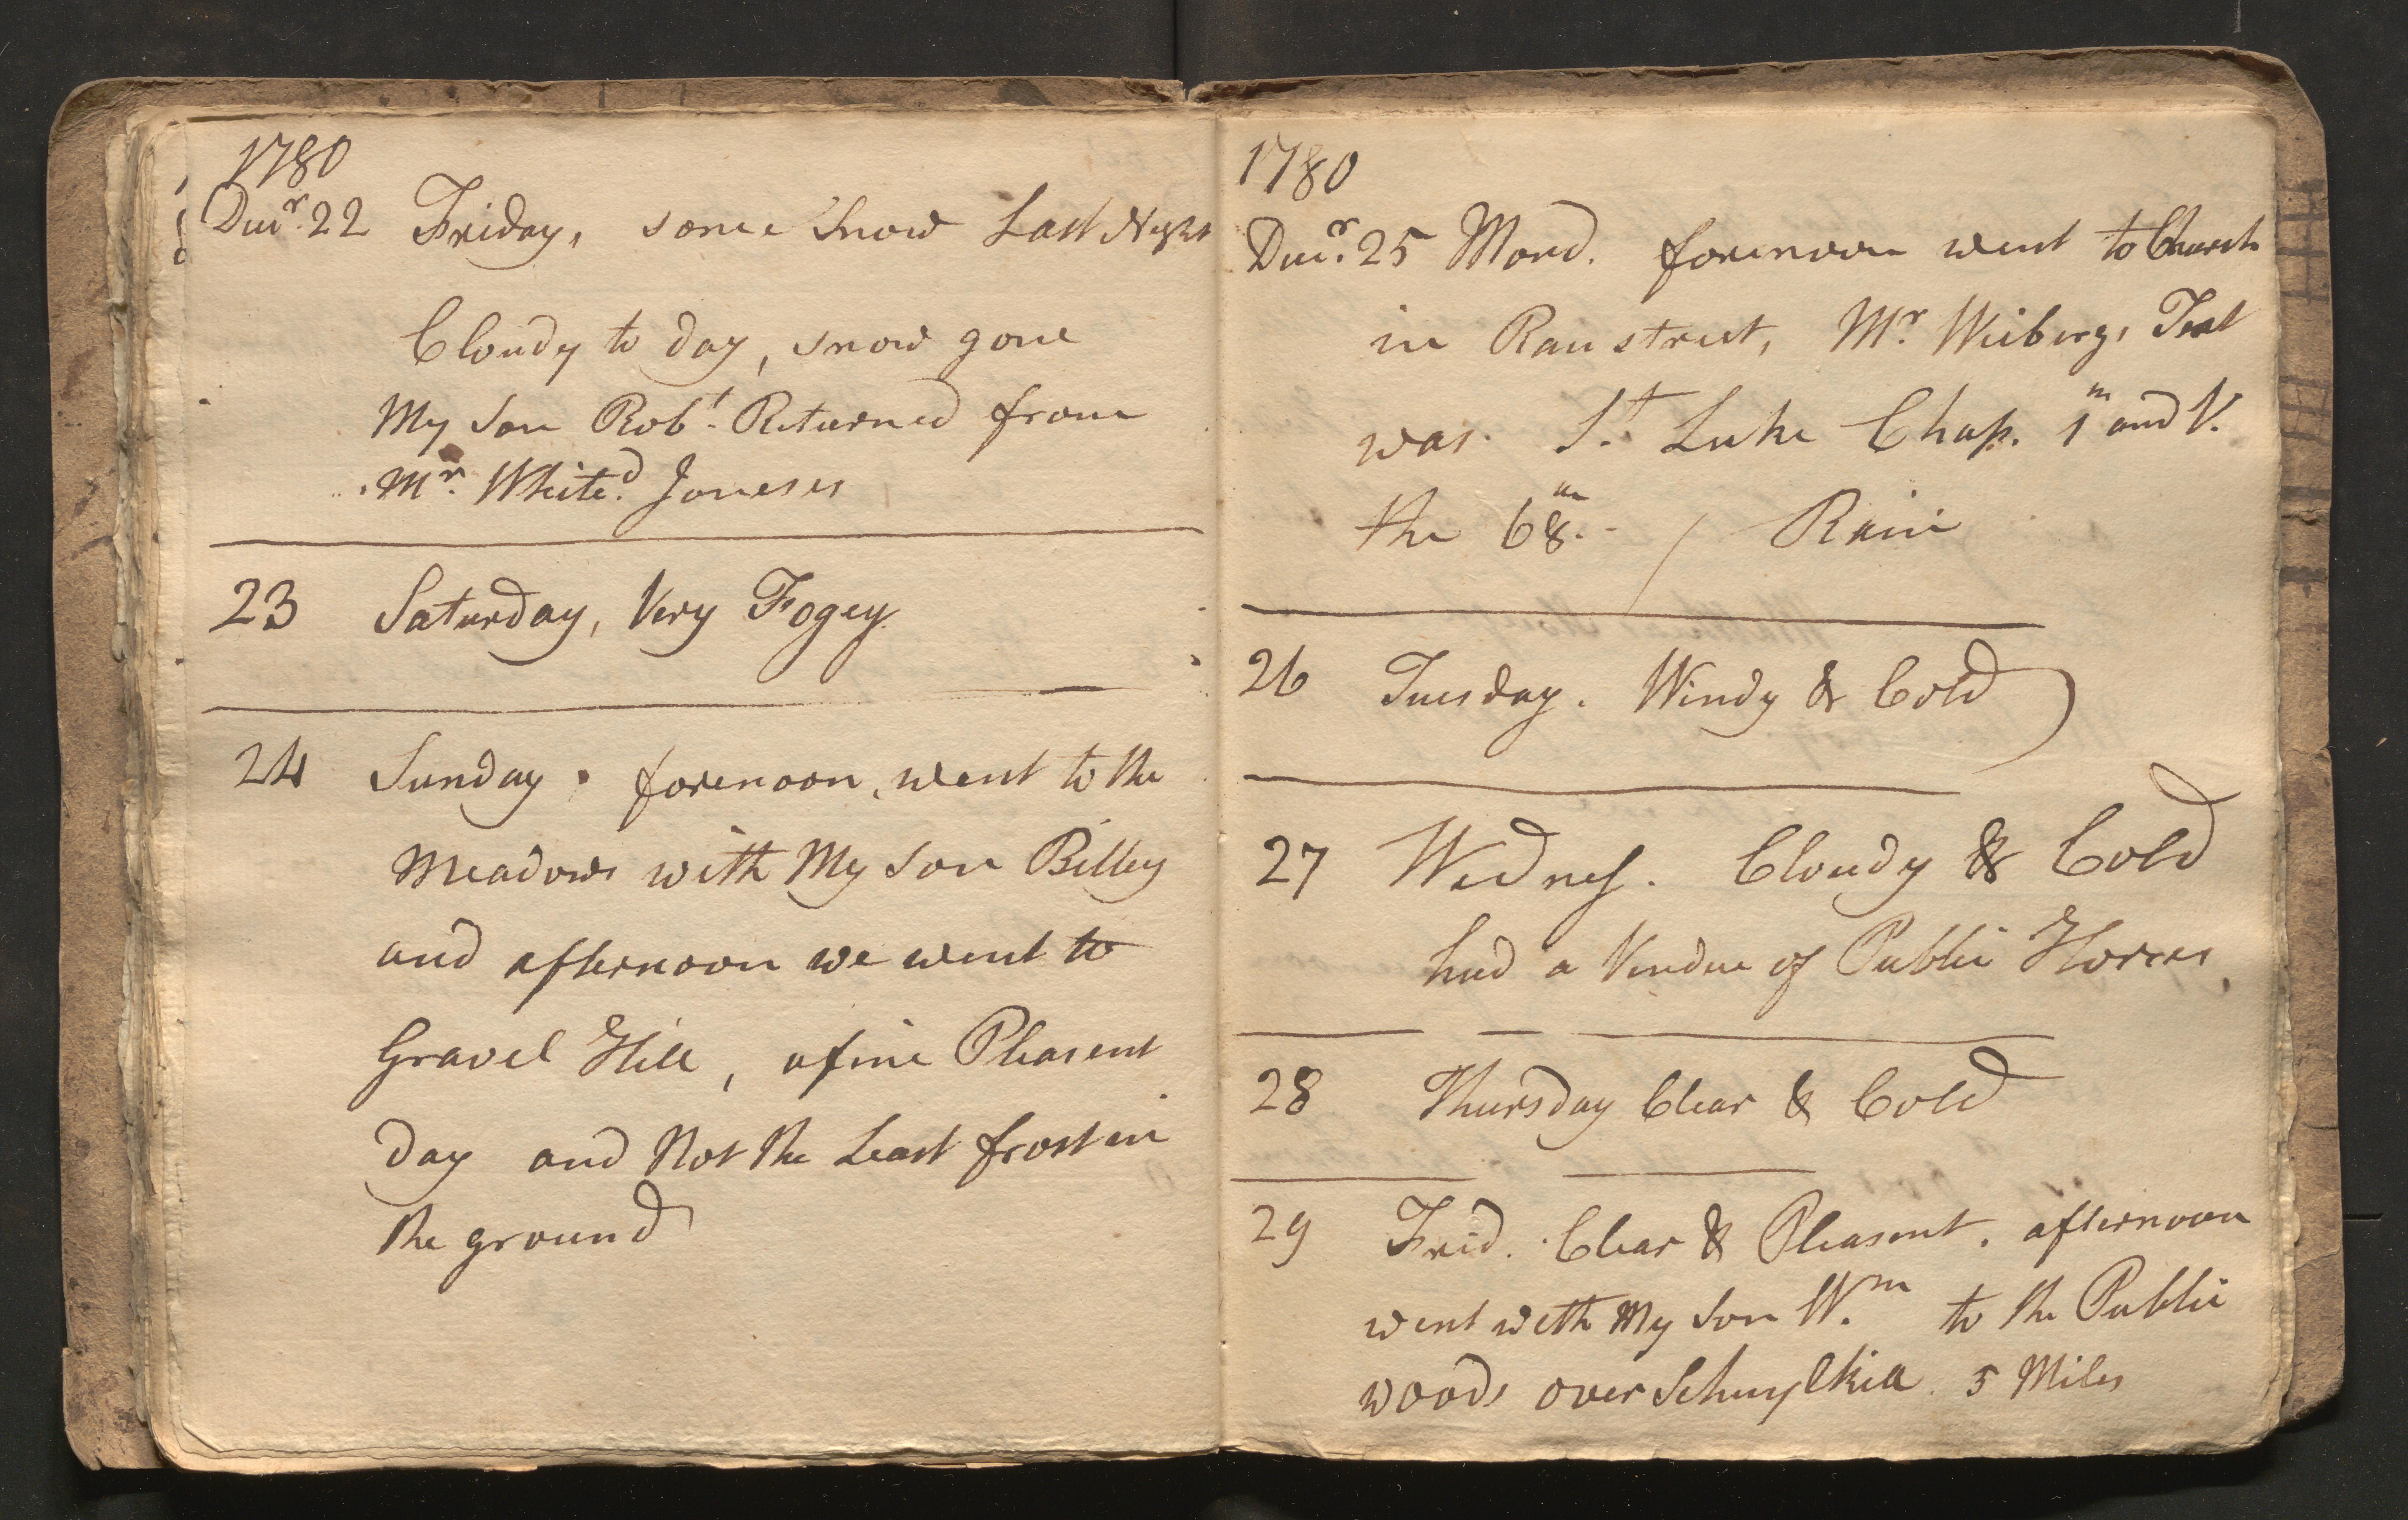1780
Dec^r. 22 Friday, some snow Last Night
Cloudy to day, snow gone
My Son Rob^t. Returned from
M^r. White^d. Joneses
28 Saturday, Very Fogey
24 Sunday: forenoon, went to the
Meadows with My son Billey
and afternoon we went to
Gravel Hill, a fine Pleasent
day and Not the Least frost in
the ground
1780
Dec^r. 25 Mond. forenoon went to Church
in Race street, M^r. Weibergs Teal
was. S^d. Luke Chap. 1^th and V.
the 68^th. / Rain
26 Tuesday. Windy & Cold
27 Wednes. Cloudy & Cold
had a Vendue of Public Horses
28 Thursday Clear & Cold
29 Frid. Clear & Pleasent, afternoon
went with My Son W^m. to the Public
woods over Schuylkill. 5 Miles